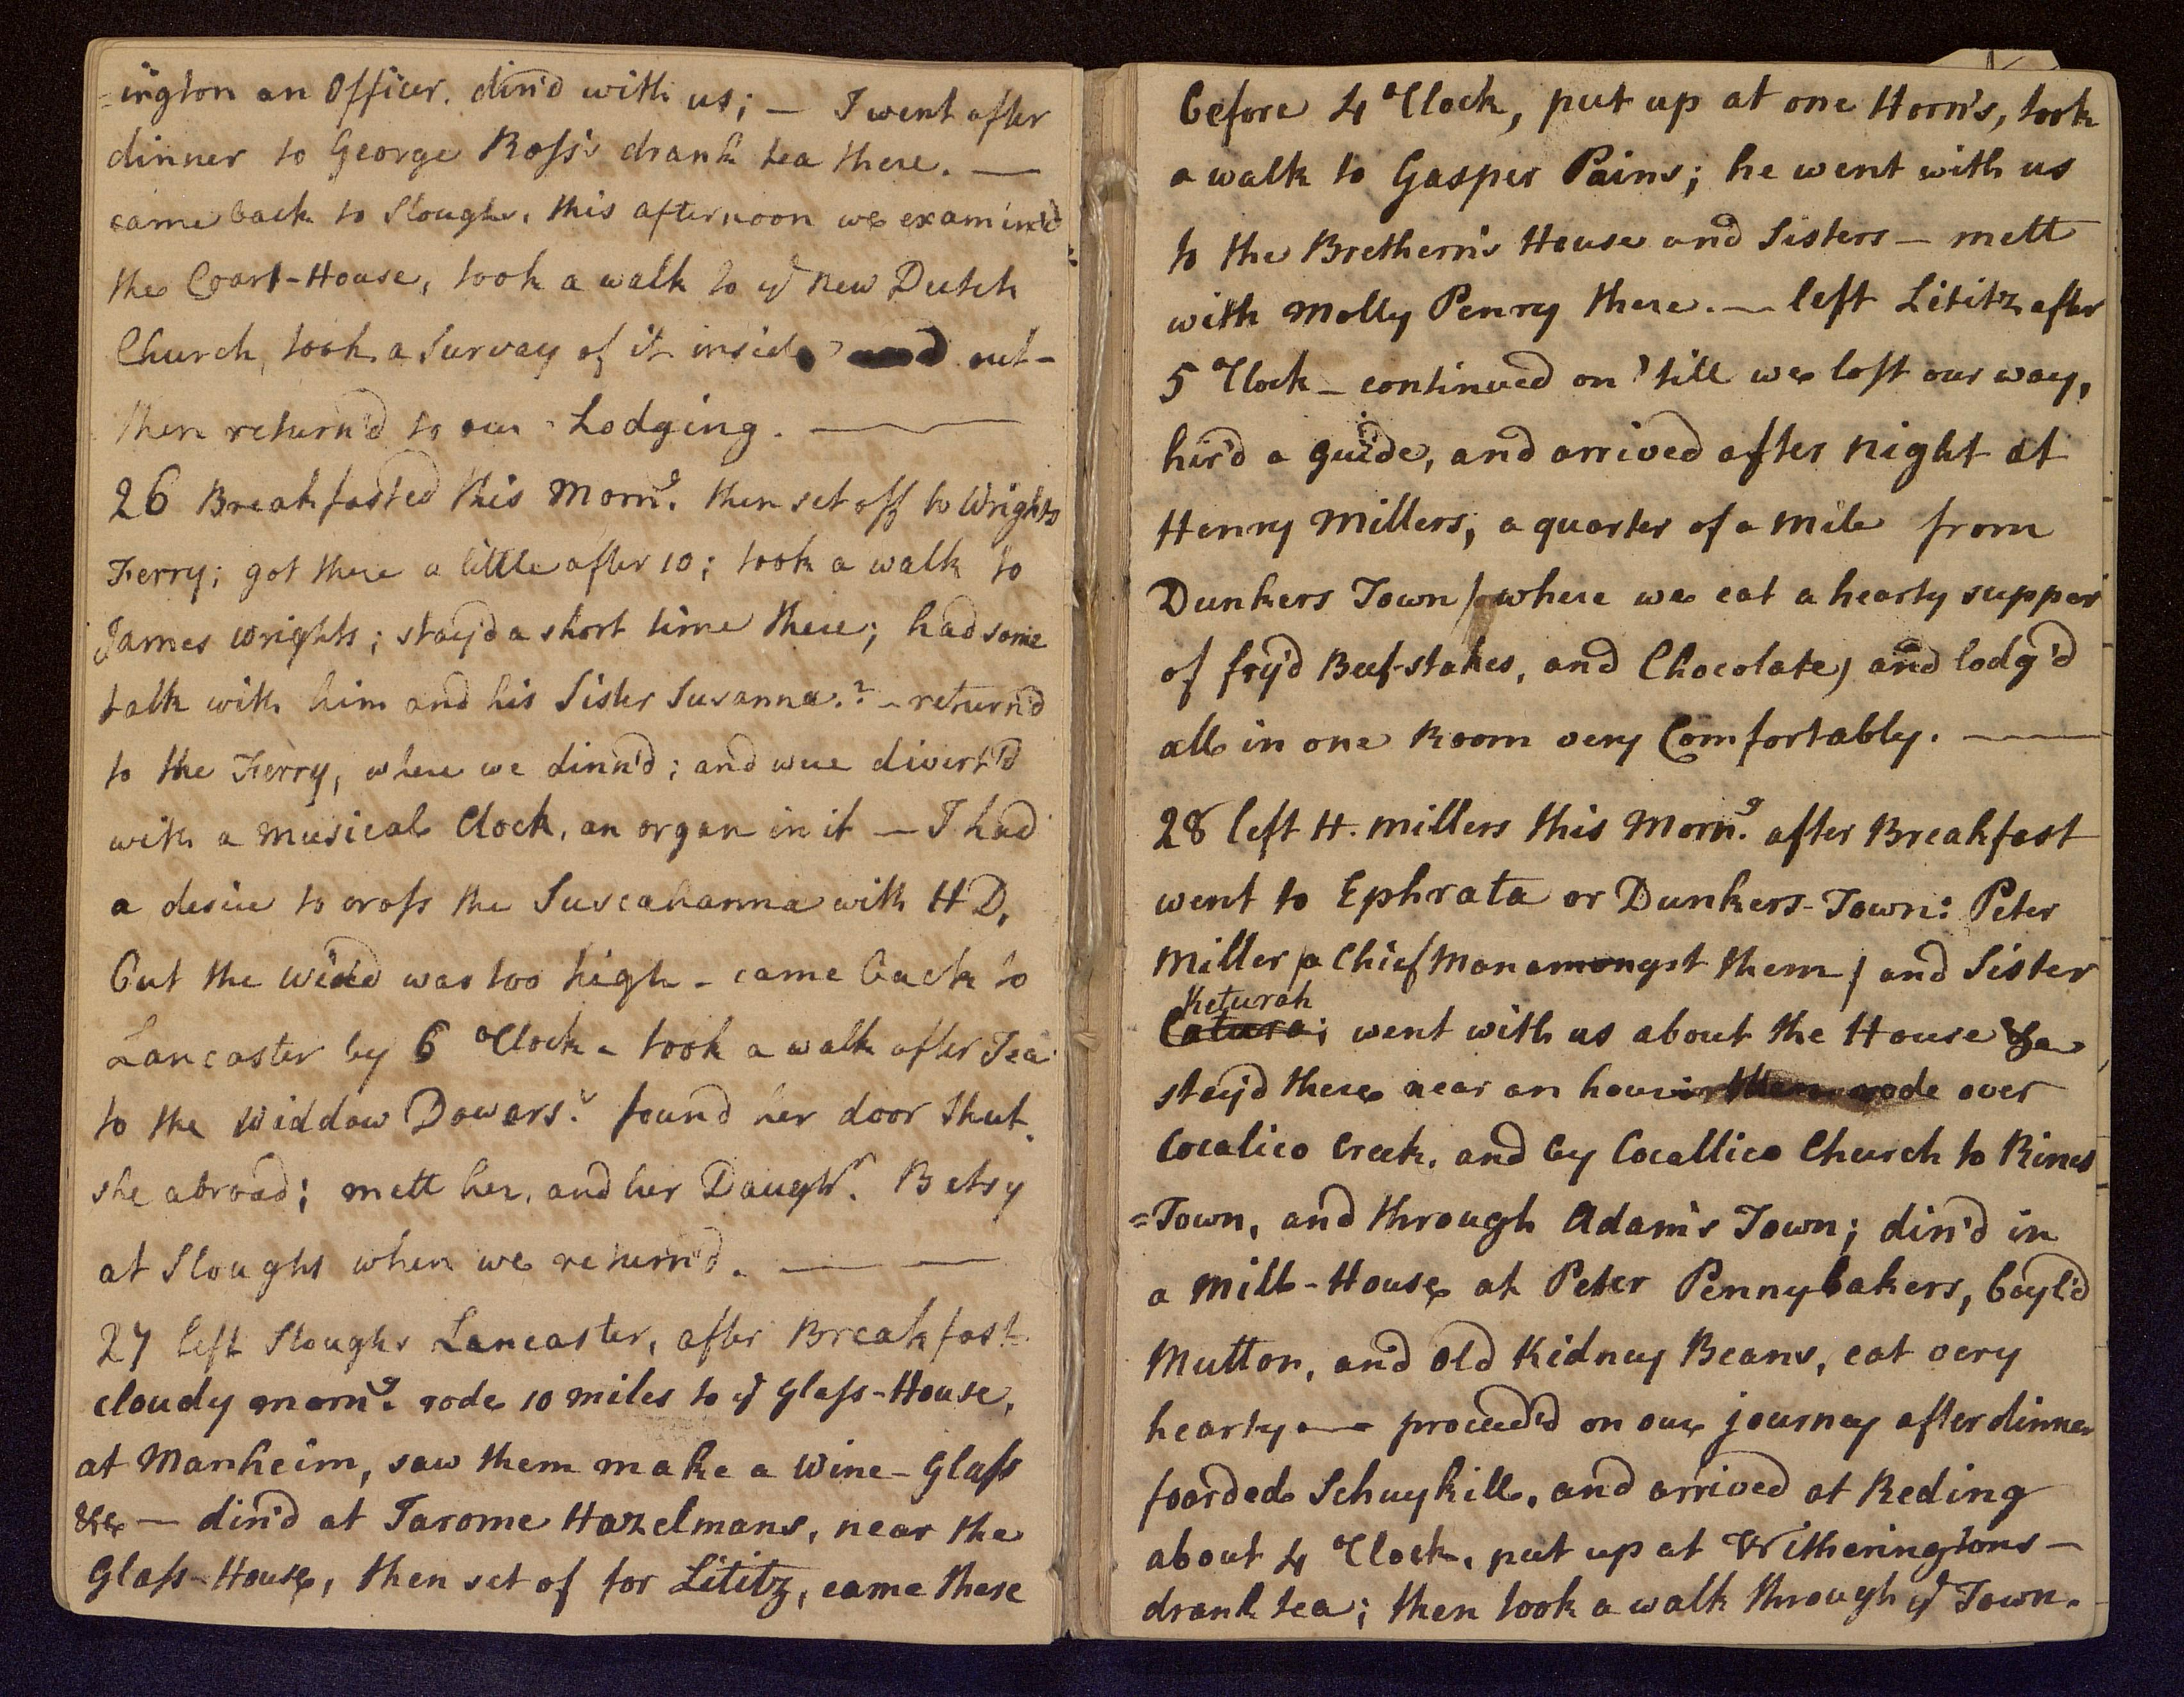-ington an Officer, din'd with us;- I went after
dinner to George Ross's drank tea there.-
came back to Sloughs, this afternoon we examin'd
the Coart-House, took a walk to y^e new Dutch
Church took, a survey of it inside and out-
then return'd to our Lodging.-
26 Breakfasted this Morn^g. then set off to Wrights
Ferry; got there a little after 10; took a walk to
James Wrights; stay'd a short time there; had some
talk with him and his Sister Susanna.^s.- return'd
to the Ferry, where we dinn'd; and were divert'd
with a Musical Clock, an organ in it- I had
a desire to cross the Suscahanna with HD.
but the widd was too high- came back to
Lancaster by 6 ^oClock- took a walk afer Tea
to the Widdow Dowars^s. found her door Shut
she abroad; mett her, and her Daugh^r. Betsy
at Sloughs when we return'd.-
27 left Sloughs Lancaster, after Breakfast
cloudy morn^g. rode 10 miles to y^e glass- House,
at Manheim, saw them make a Wine-Glass
&e- din'd at Jarome Hazelmans, near the
Glass- House, then set of for Lititz, came there
before 4 oClock, put up at one Horn's, took
walk to Gasper Pains; he went with us
to the Brethern's House and Sisters- mitt
with Molly Penny there.- left Lititz after
5 ^oClock- continued on ' till we lost our way,
hir'd a guide, and arrived after night at
Henry Millers; a quarter of a mile from
Dunkers Town /where we eat a hearty supper
of fry'd Beef-stakes, and Chocolate/ and lodg'd
all in one Room very Comfortably.-
28 left H. Millers this morn^g. after Breakfast
went to Ephrata or Dunkers-Town: Peter
Miller /a Chief Man amongst them/ and Sister
Keturah
[Catura]; went with us about the House &a
stay'd there near an hour then rode over over
Cocalico Creek and by Cocallico Church to Rines
-Town, and through Adam's Town, din'd in
a Mill- House at Peter Pennybakers, boyl'd
Mutton, and old Kidney Beans, eat very
hearty- proceeded on our journey after dinner
foarded Schuykill, and arrived at Reding
about 4 oClock, put up at Witheringtons-
drank tea; then took a walk through y^e Town.